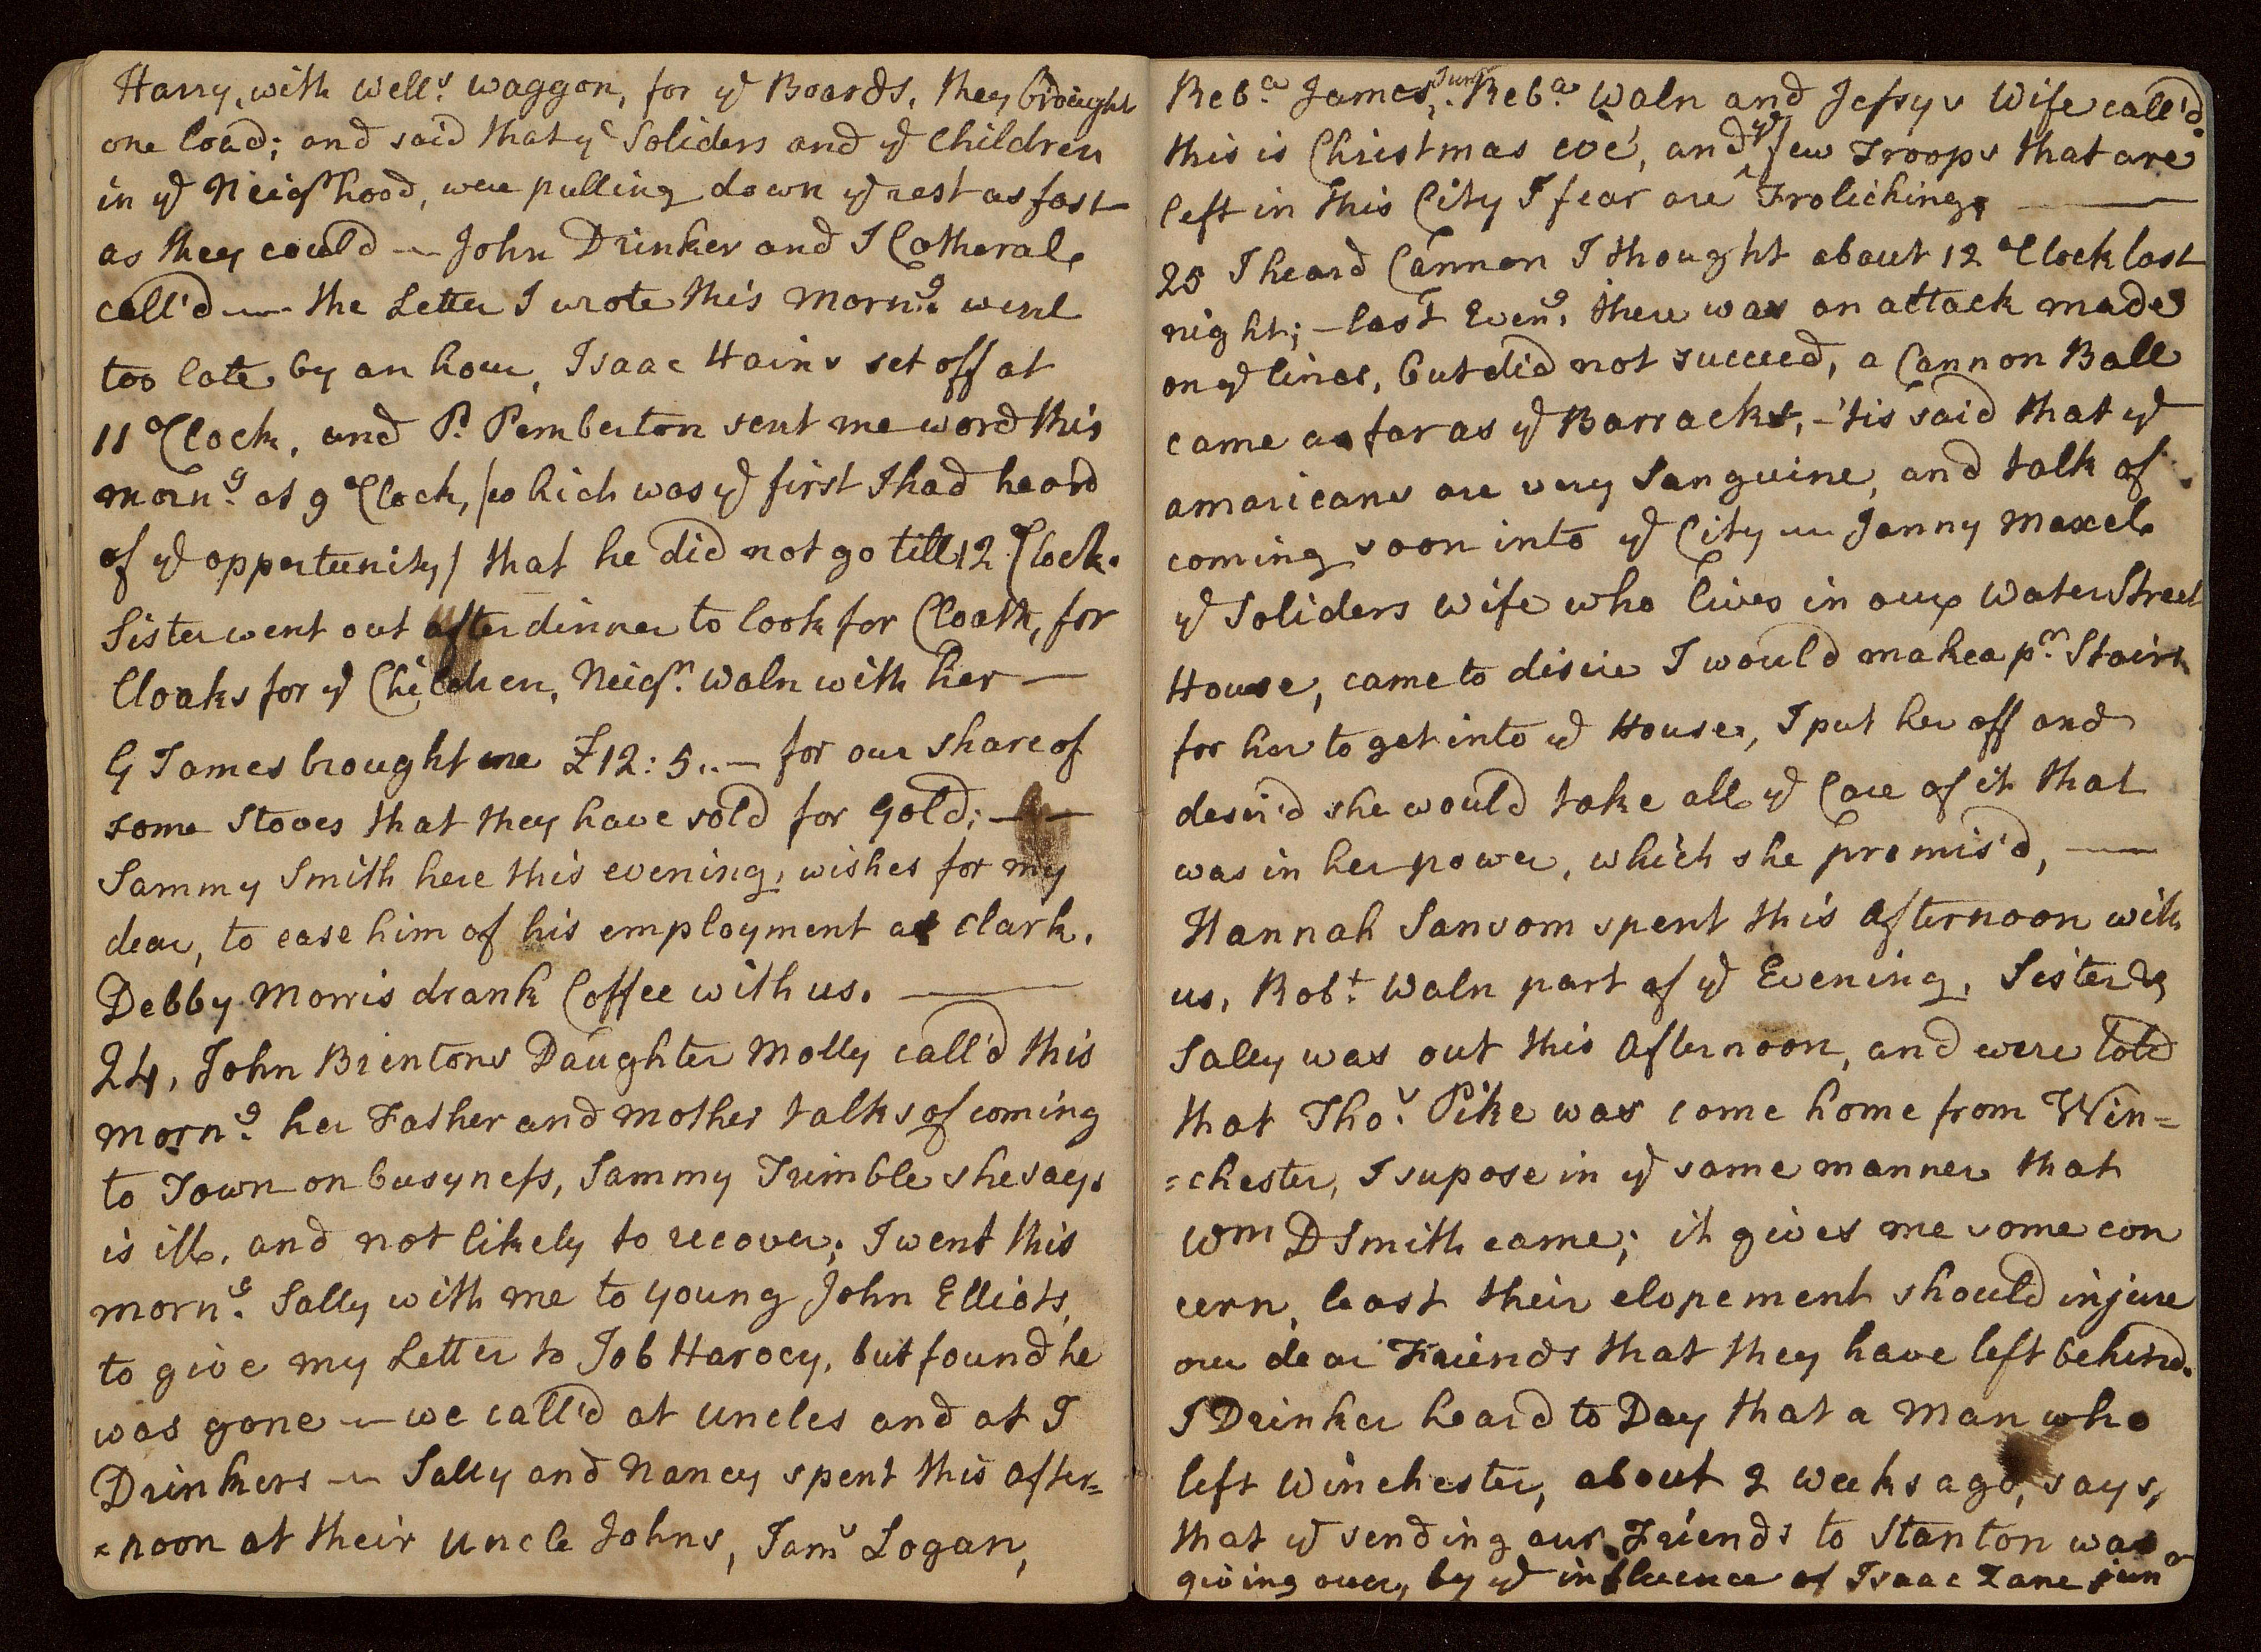Harry, with Well^s. waggon, for y^e Boards, they brought
one load; and said that y^e Soliders and y^e children
in y^e Neigh^r hood, were pulling down y^e rest as fast
as they could- John Drinker and I Caheral
call'd- the Letter I wrote this morn^g. went
too late by an hour, Isaac Hains set off at
11 ^oClock, and P. Pemberton sent me word this
morn^g. at 9 ^oClock, /which was y^e first I had heard
of y^e opportunity/ that he did not go till 12 ^oClock.
Sister went out after dinner to look for Cloath, for
Cloaks for y^e Children, Neigh^r. Waln with her-
G James brought one £12:5..- for our share of
some stoves that they have sold for Gold;-
Sammy Smith here this evening, wishes for my
dear, to ease him of his employment as clark,
Debby Morris drank Coffee with us.
24, John Brentons Daughter Molly call'd this
morn^g. her Father and Mother talks of coming
to Town on busyness, Sammy Trimble she says
is ill, and not likely to recover; I went this
morn^g. Sally with me to young John Elliots,
to give my Letter to Job Harocy, but found he
was gone- we call'd at Uncles and at I
Drinkers- Sally and Nancy spent this After-
-noon at their Uncle Johns, Jam^s Logan,
Reb^a. James^Jun^r,. Reb^a. Waln and Jessys Wife call'd.
this is Christmas eve, and ^y^e few Troops that are
left in this City I fear are Frolickings-
25 I heard Cannon I thought about 12 ^o Clock last
night;- last Even^g. there was an attack made
on y^e lines, but did not succeed, a Cannon Ball
came as far as y^e Barracks,- 'tis said that y^e
amaricans are very Sanguine, and talk of
coming soon into y^e City - Janny Maxel
y^e Soliders Wife who lives in our Water Street
House, came to disire I would makea p^r. Stair
for her to get into y^e House, I put her off and
desir'd she would take all y^e Care of it that
was in her power, which she promis'd,-
Hannah Sansom spent this Afternoon with
us, Rob^t. Waln part of y^e Evening, Sister &
Sally was out this Afternoon, and were late
that Tho^s. Pike was come home from Win-
-chester, I supose in y^e same manner that
W^m D Smith came; it gives me some con
cern, least their elopement should injure
our dear Friends that they have left behind.
I Drinker heard to Day that a man who
left Winchester, about 2 weeks ago, says,
that y^e sending our Friends to Stanton was
giving over, by y^e influence of Isaac Zane jun^r